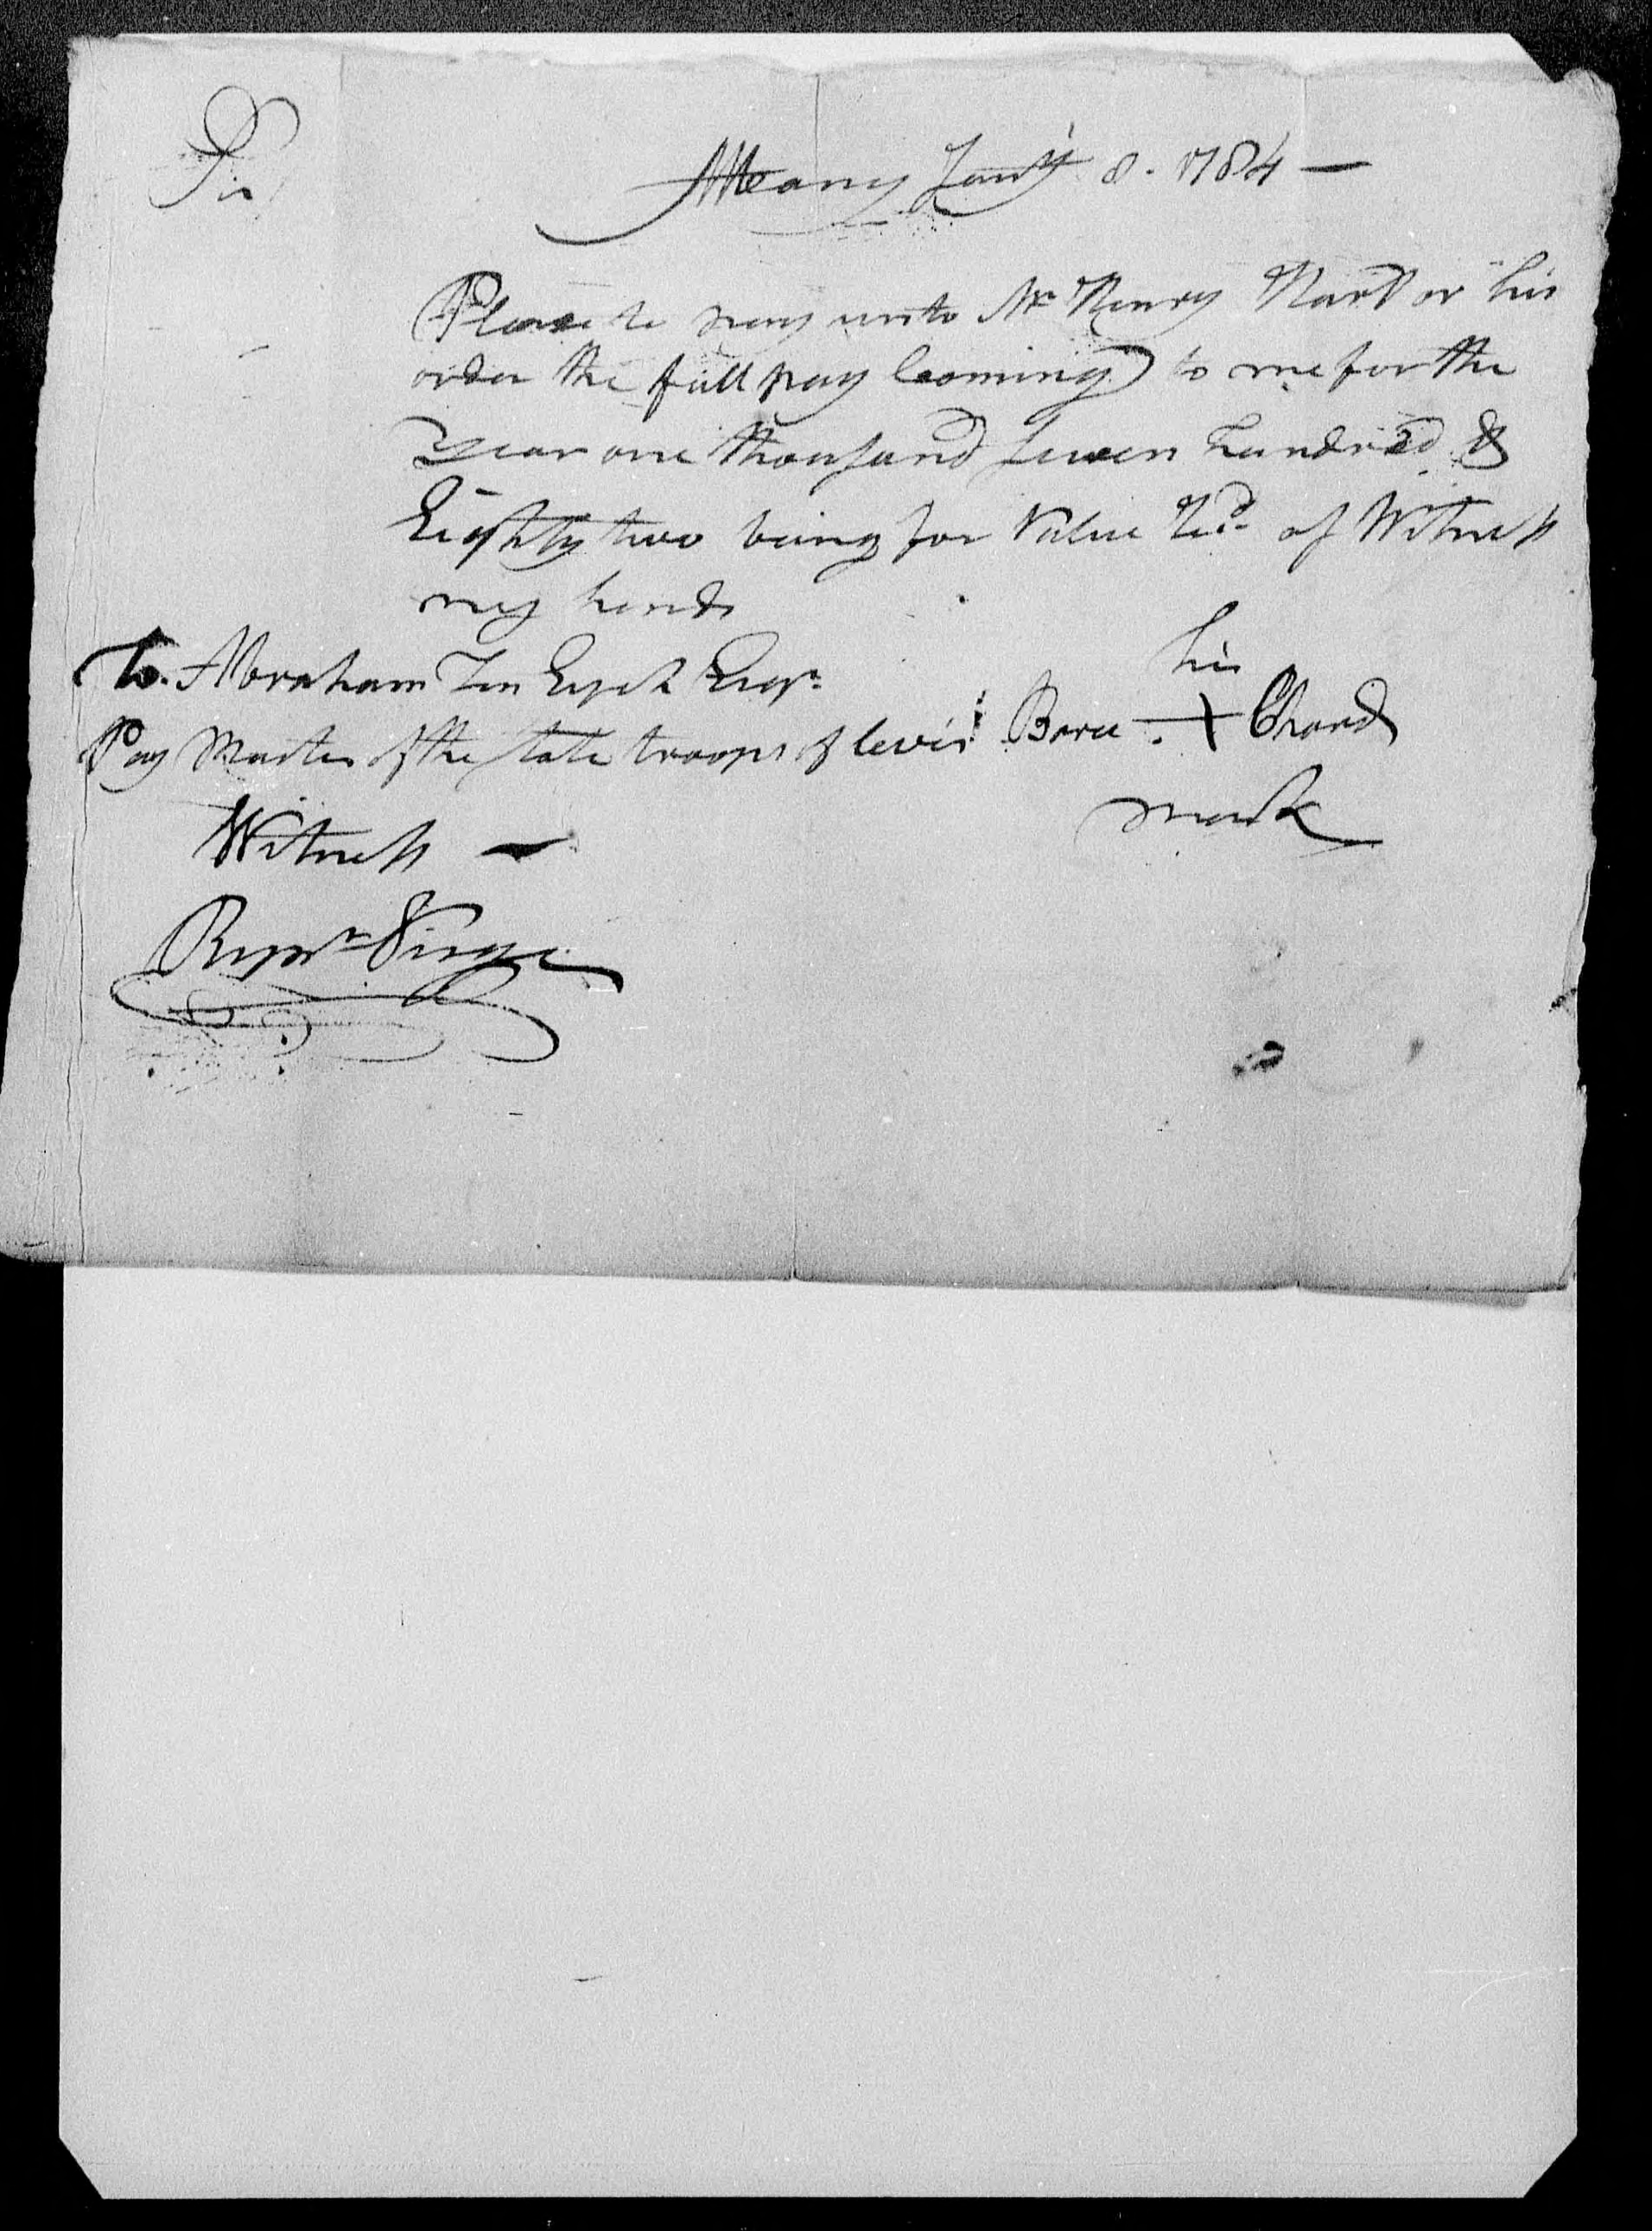Albany Jany 2 1784 
Sir
Please to pay unto Mr Henry Hart or his order the full pay Coming to me for the year one thousand Seven hundred & Eighty two being for Value Recd as [?] Witness my hand
Barce (X his mark) Chard

To Abraham Ten Eyck Esqr
Pay Master of the State troops of levies

Witness -
Byns. Singer [?]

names: Barce Chard, Abraham Ten Eyck, Henry Hart, Bynr Sirge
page: 29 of 47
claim: widow's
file: W. 10,602, Barce Chard, New York.